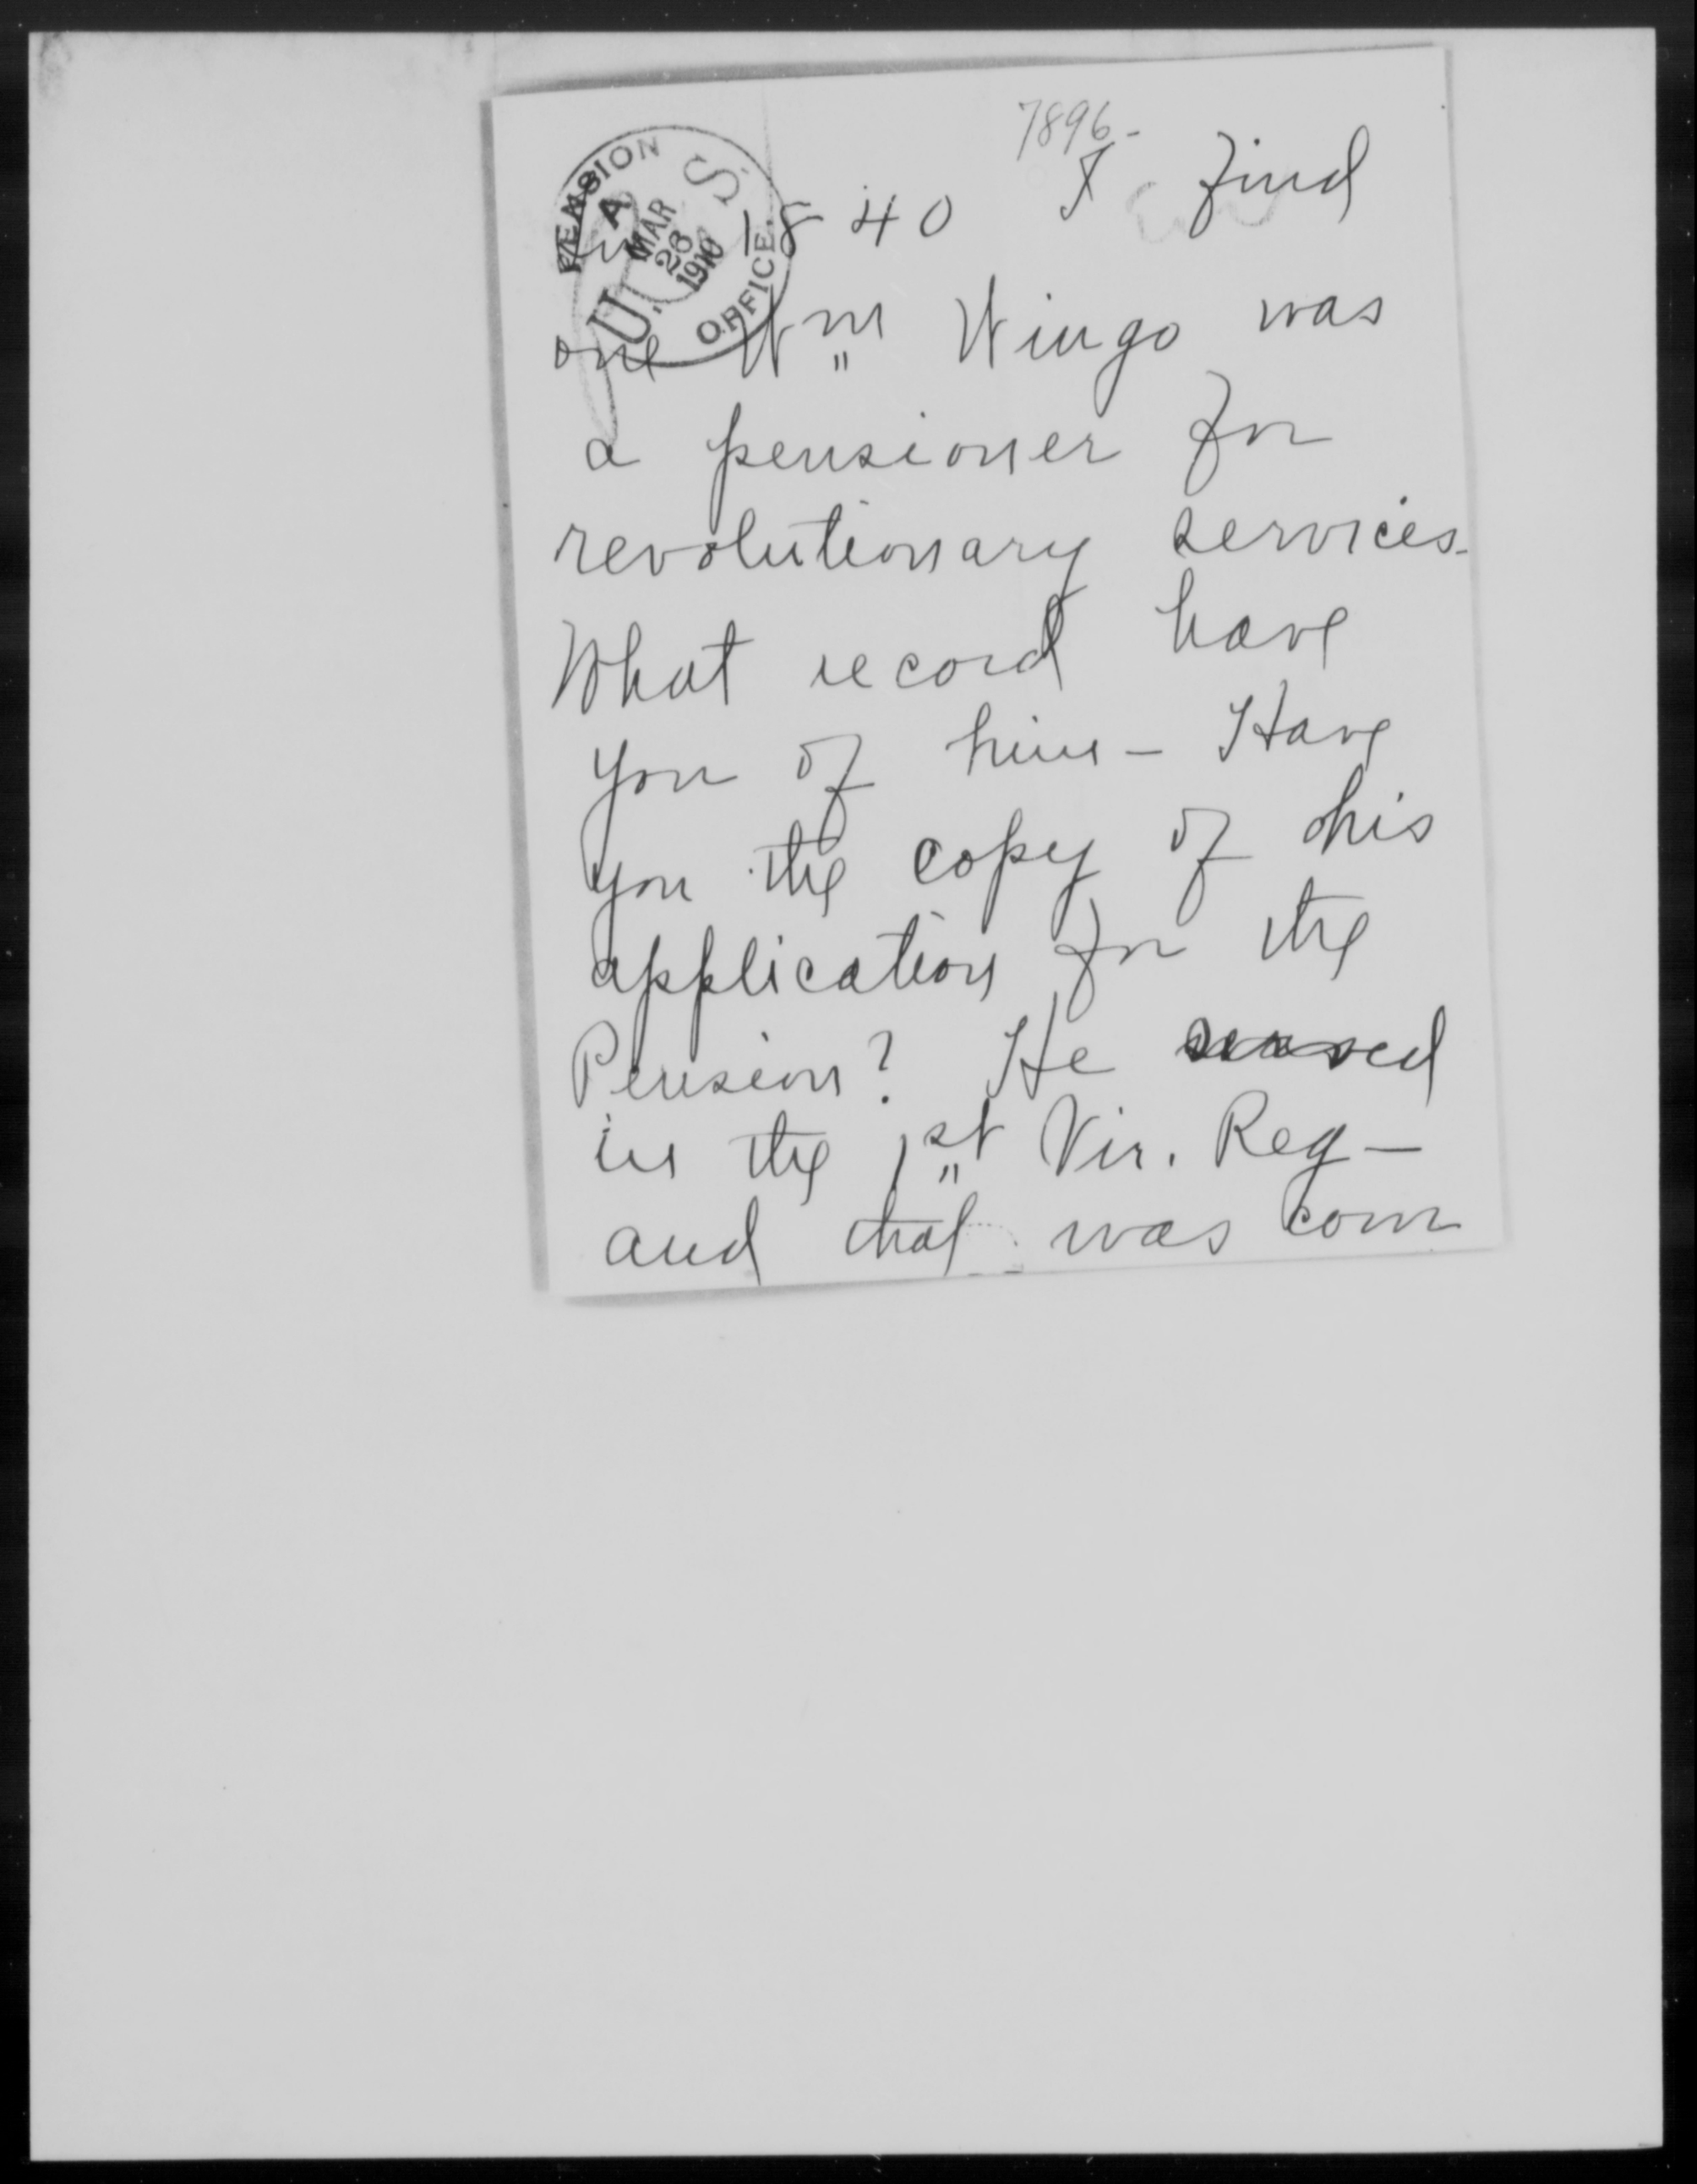7896
U.S. PENSION OFFICE A MAR 26 1910
in 1840 I find one Wm Wingo was a pensioner for revolutionary services. What record have you of him _ Have you the copy of his application for the Pension? he served in the 1st Vir. Reg and that was com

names: Wm Wingo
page: 16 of 19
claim: survivor's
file: S. 7,896, William Wingo, Va.